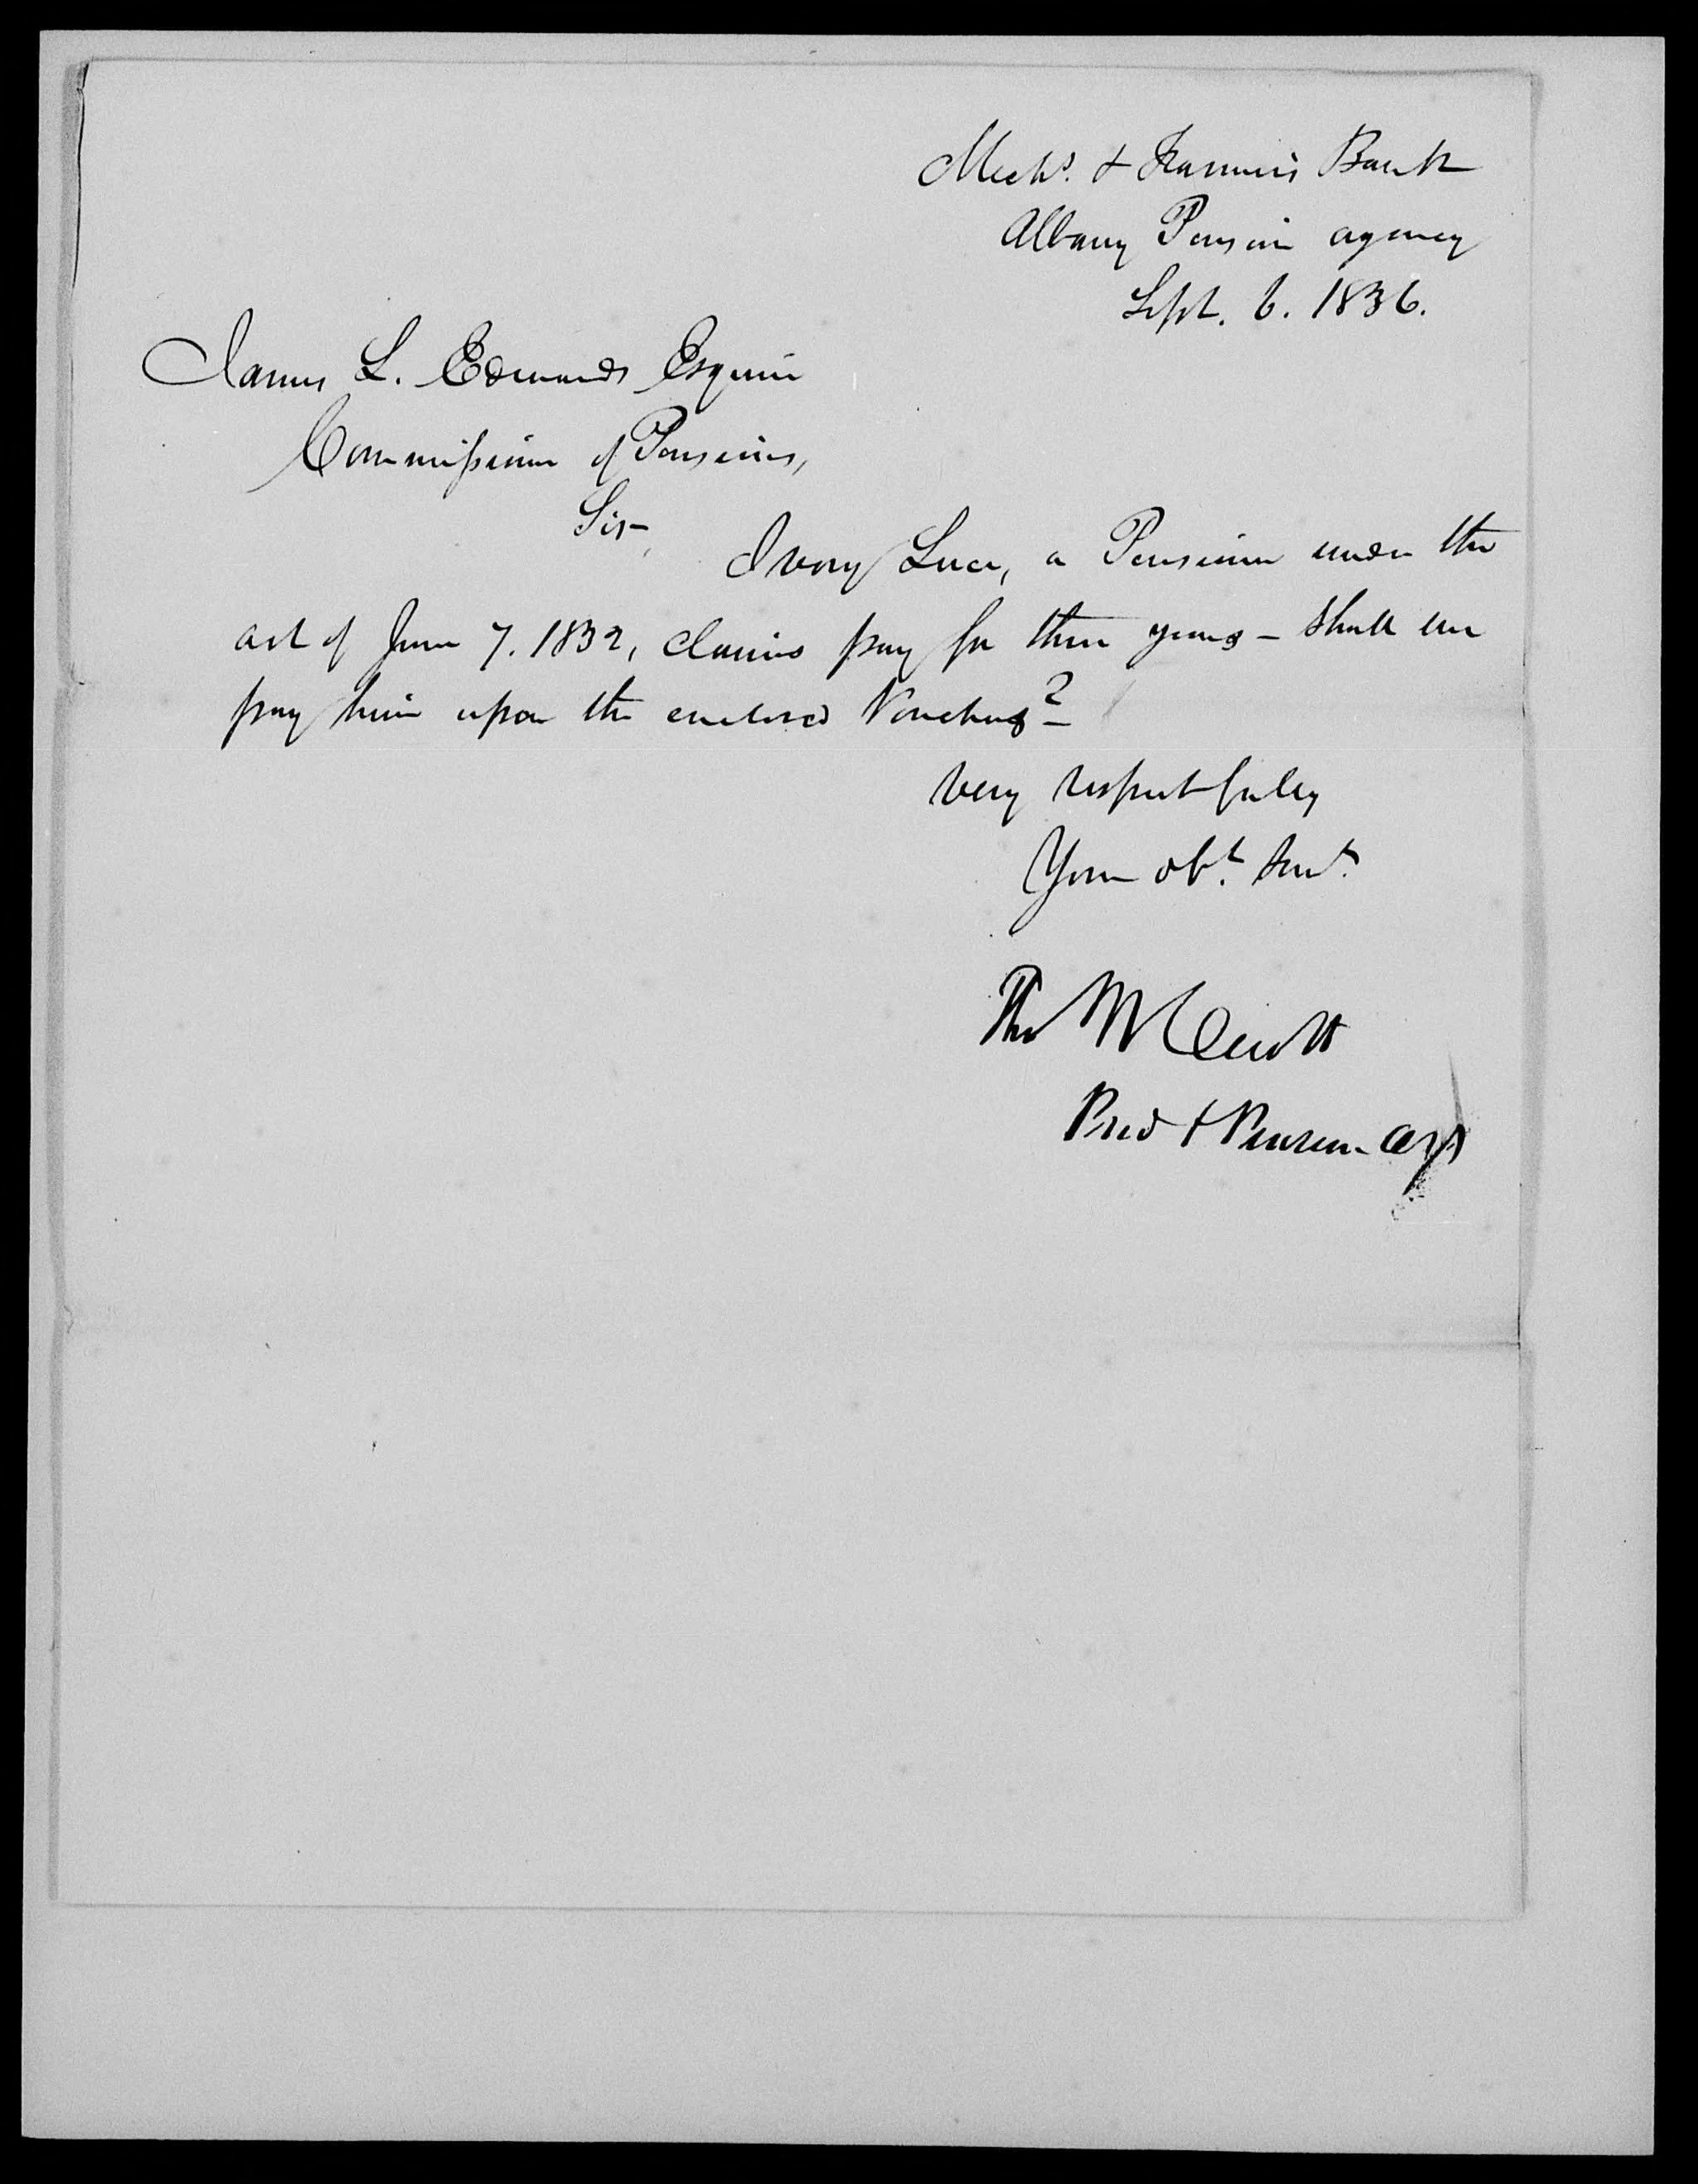Mech's & Farmer's Bank
Albany Pension Agency
Sept. 6. 1836.

James L. Edwards Esquire
Commissioner of Pensions,

Sir,

Ivory Luce, a Pensioner under the Act of June 7. 1832, claims pay for three years - Should we pay him upon the entered Vouchers?

Very Respectfully
Your obt. Servt.

Tho. W. Olcott
Pres of Pension Agency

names: James L Edwards; Tho W Olcott; Ivory Luce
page: 63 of 70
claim: rejected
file: R. 6510, for Israel Luce, New York